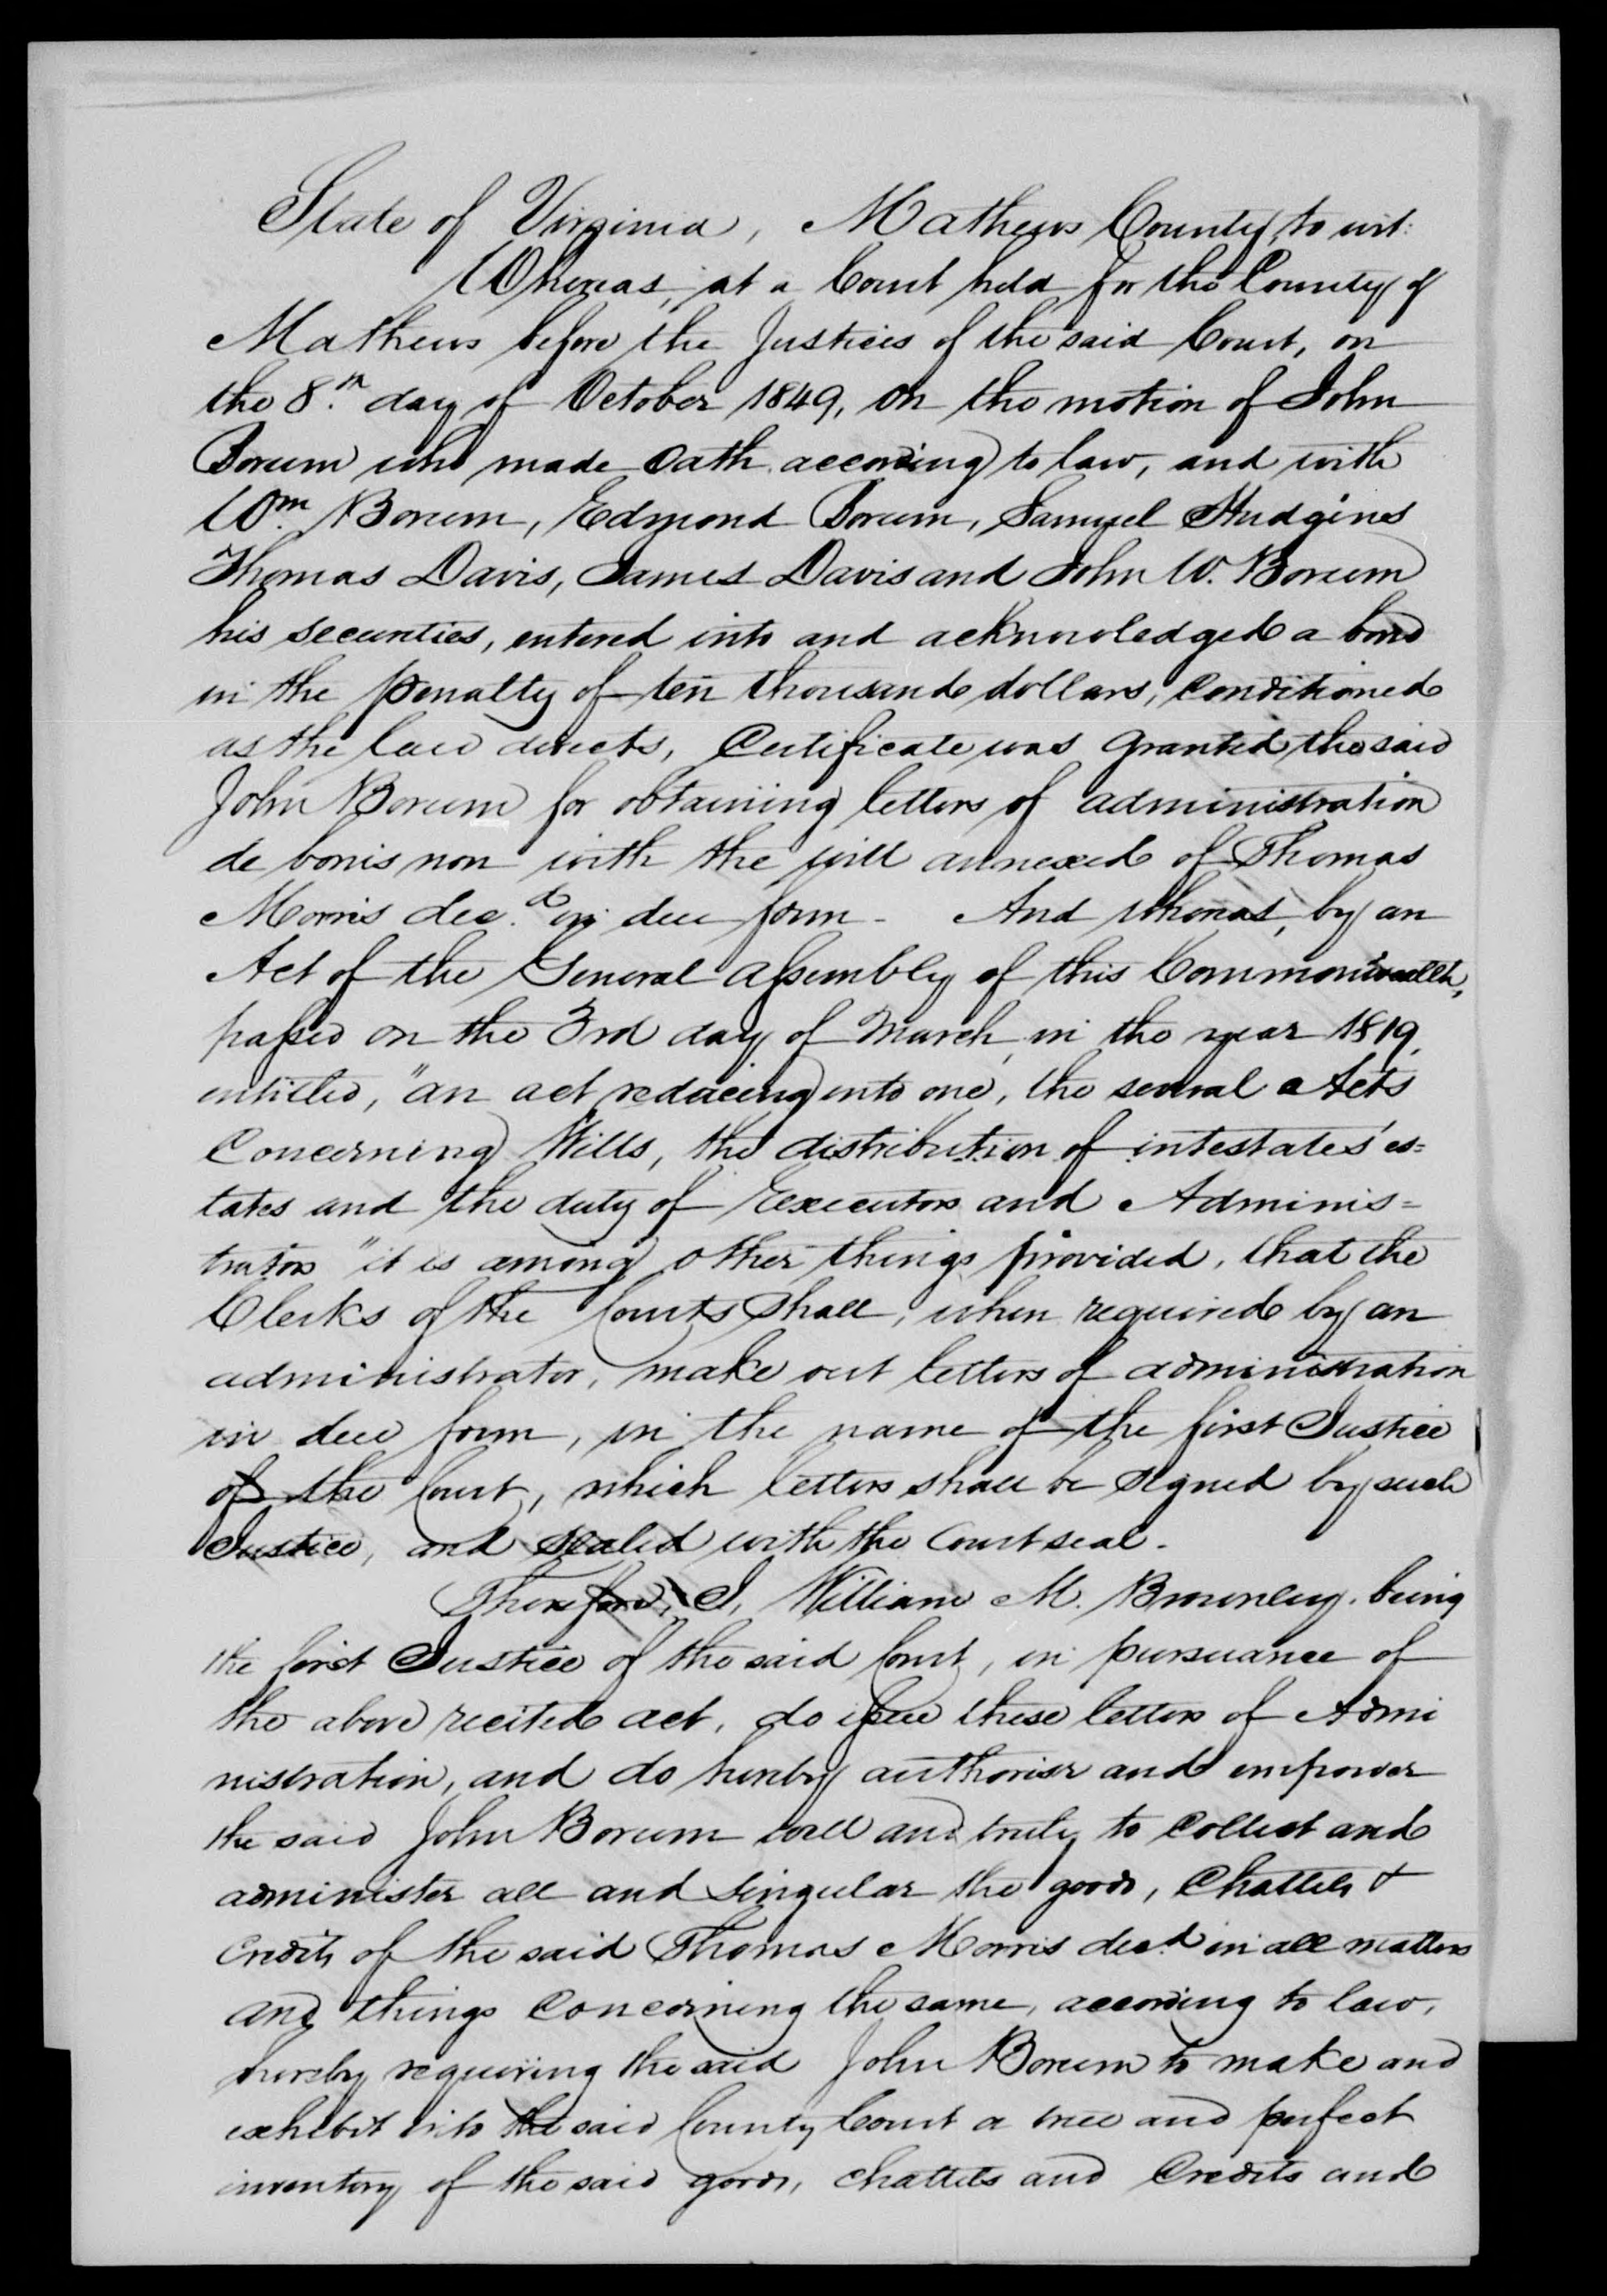State of Virginia, Mathews County, to wit:
Whereas at a Court held for the County of Mathews before the Justices of the said Court, on the 8th day of October 1849, on the motion of John Borum who made Oath according to law, and with Wm Borum, Edmond Borum, Samuel Hudgins Thomas Davis, James Davis and John W. Borum his securities, entered into and acknowledged a bond in the Penalty of ten thousand dollars, conditioned as the law directs, Certificate was granted the said John Borum for obtaining letters of administration de bonis non with the will annexed of Thomas Morris decd in due form. And whereas, by an Act of the General Assembly of this Commonwealth, passed on the 3rd day of March, in the year 1819, entitled, "an act reducing into one, the several Acts Concerning Wills, the distribution of intestates' estates and the duty of Executors and Administrators" it is among other things provided, that the Clerks of the Courts shall, when required by an administrator, make out letters of administration in due form, in the name of the first Justice of the Court, which letters shall be signed by such Justice, and sealed with the court seal. Therefore, I, William M. Brownley, being the first Justice of the said Court, in pursuance of the above recited act, do issue these letters of Administration, and do hereby authorize and empower the said John Borum [illegible] and truly to collect and administer all and singular the goods, Chattels & Credits of the said Thomas Morris decd in all matters and things concerning the same, according to law, hereby requiring the said John Borum to make and exhibit unto the said County Court a true and perfect inventory of the said goods, chattels and credits and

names: Wm Borum; Thomas Davis; John W Borum; Edmond Borum; William M Brownley; John Borum; Samuel Hudgins; Thomas Morris; James Davis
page: 15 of 30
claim: rejected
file: R. 16,555, for Thomas Morris, Georgia